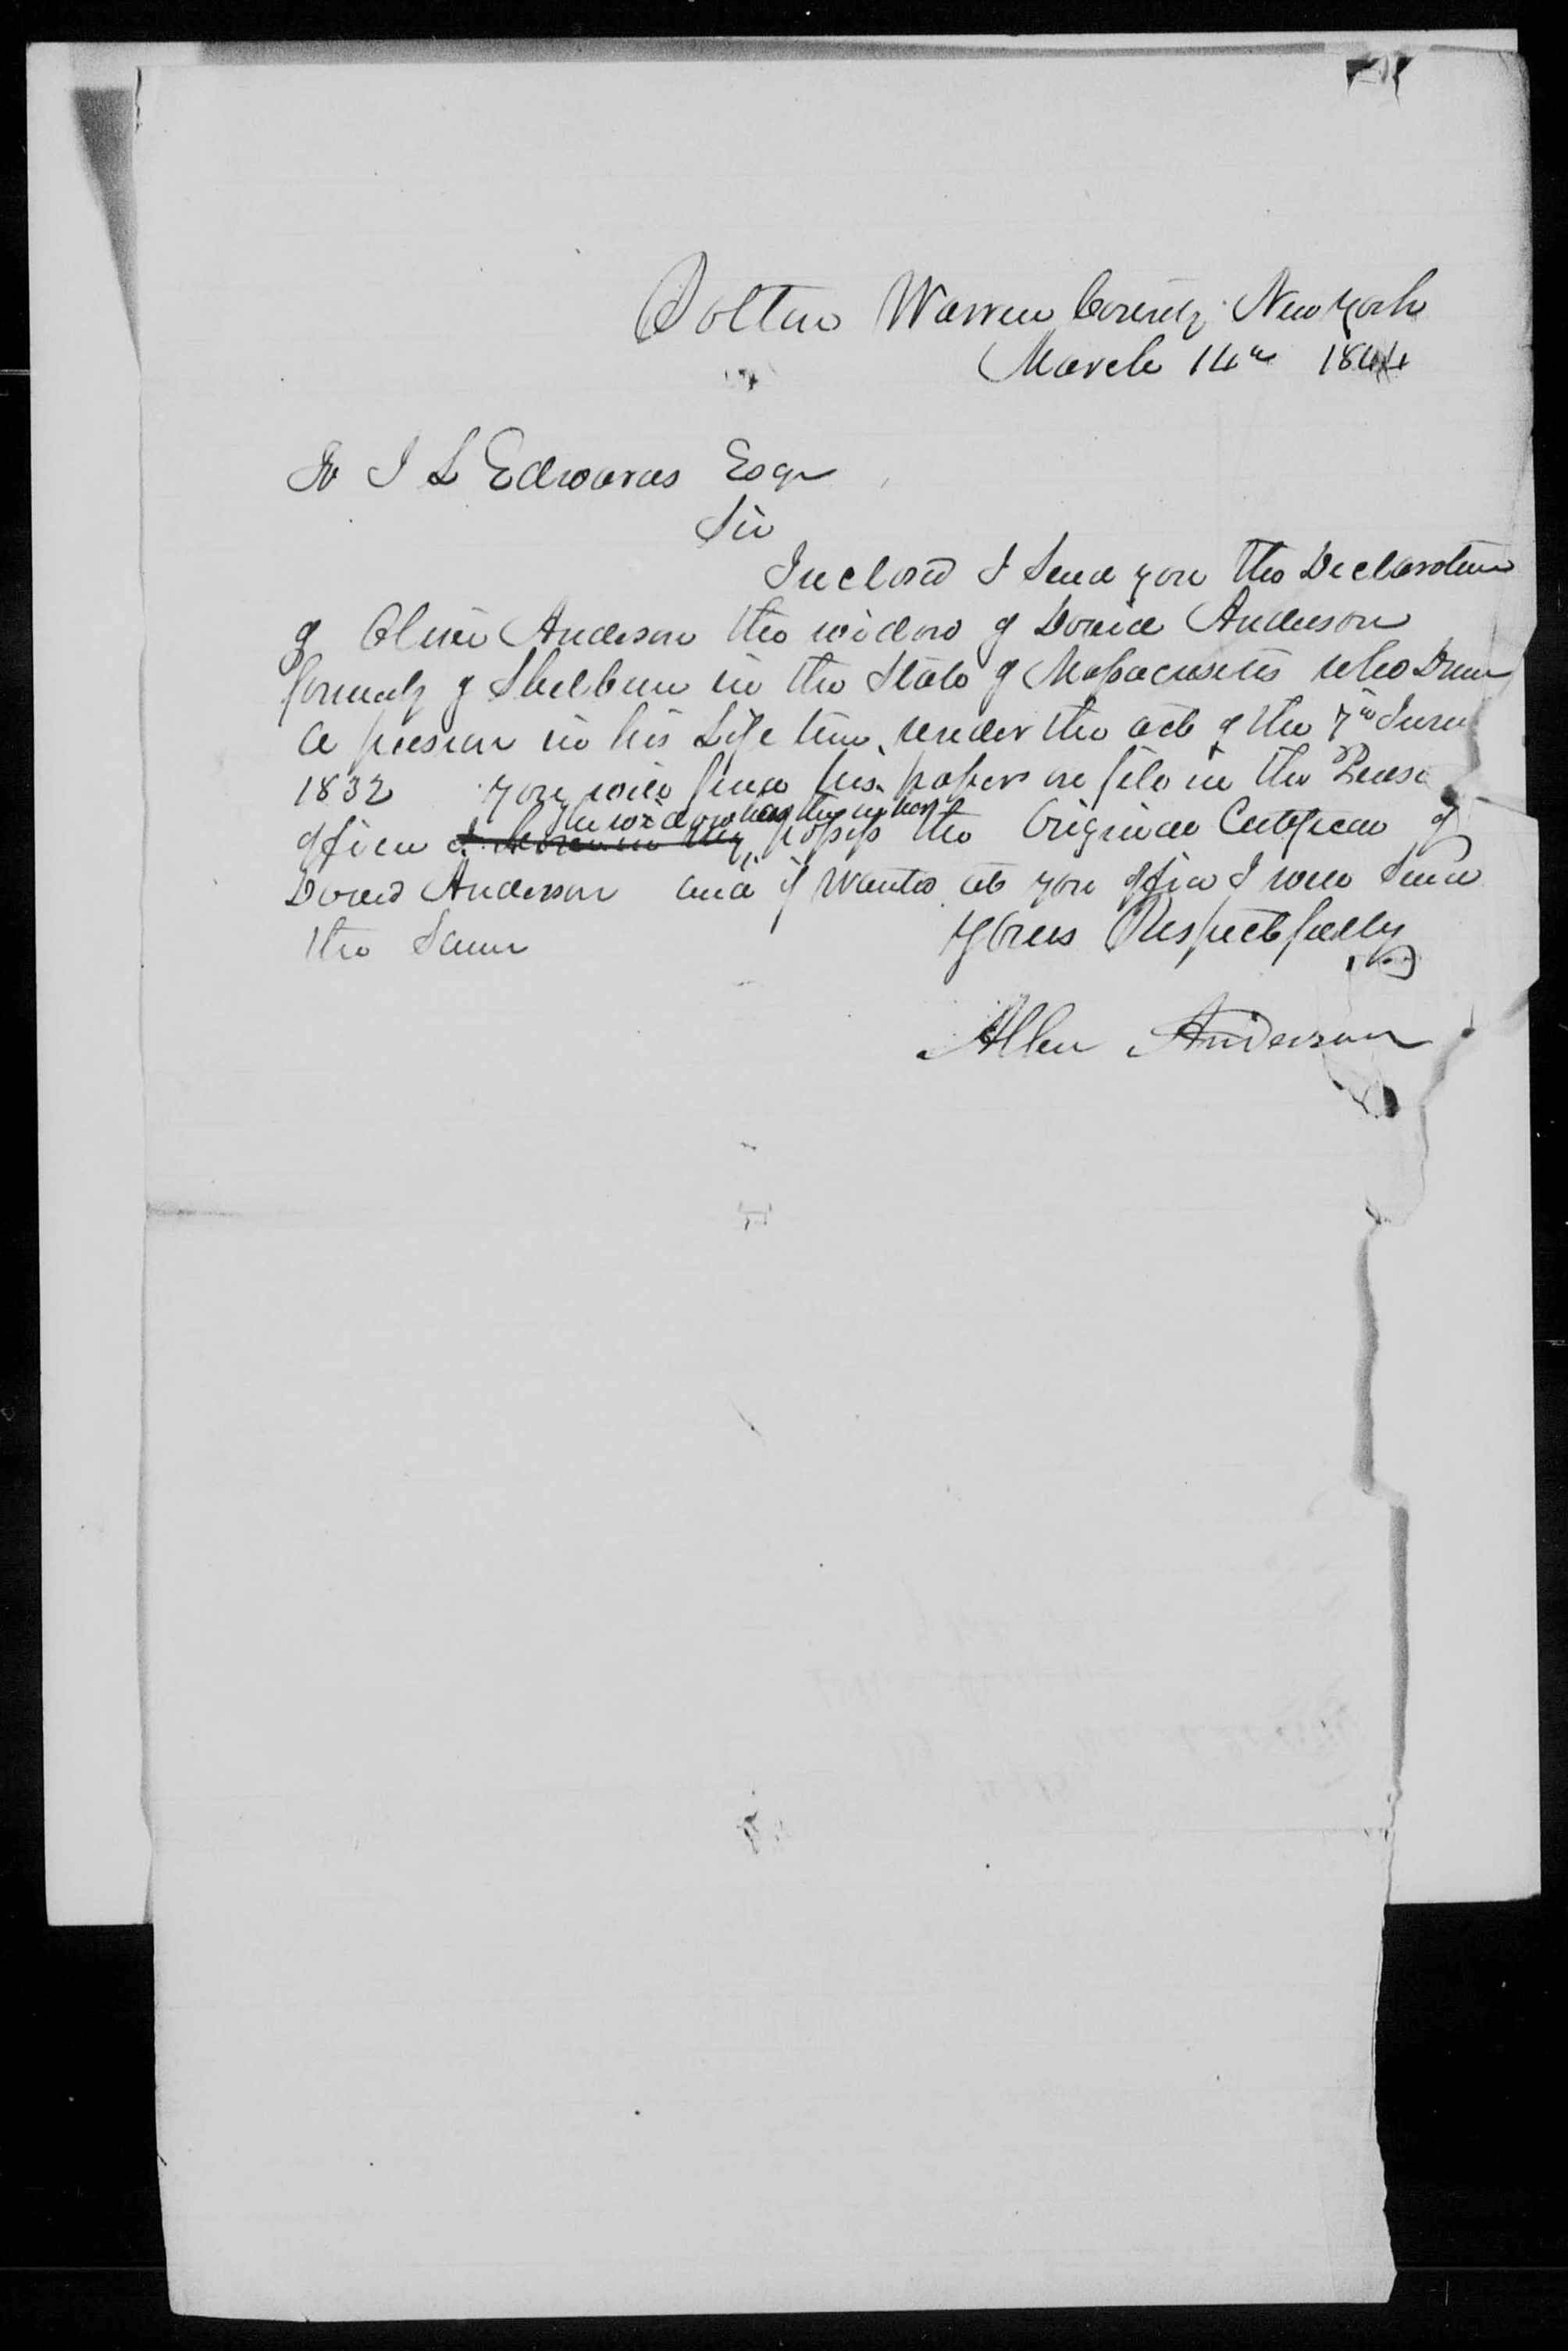Bolton Warren County New York
March 14th 1844

To J L Edwards Esqr
Sir
Inclosed I send you the Declaration
of Olive Anderson the widow of David Anderson
formerly of Shelburn in the State of Massachusetts who drew
a pension in his life time under the act of the 7th June
1832. You will find his papers on file in the Pease
office [illegible] possess the Original Certificate of
David Anderson and if [illegible] at you office I will send the same
Yours Respectfully
Allen Anderson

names: Olive Anderson, Allen Anderson, J L Edwards, David Anderson, David Anderson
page: 29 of 39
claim: widow's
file: W. 20624, David Anderson, Mass